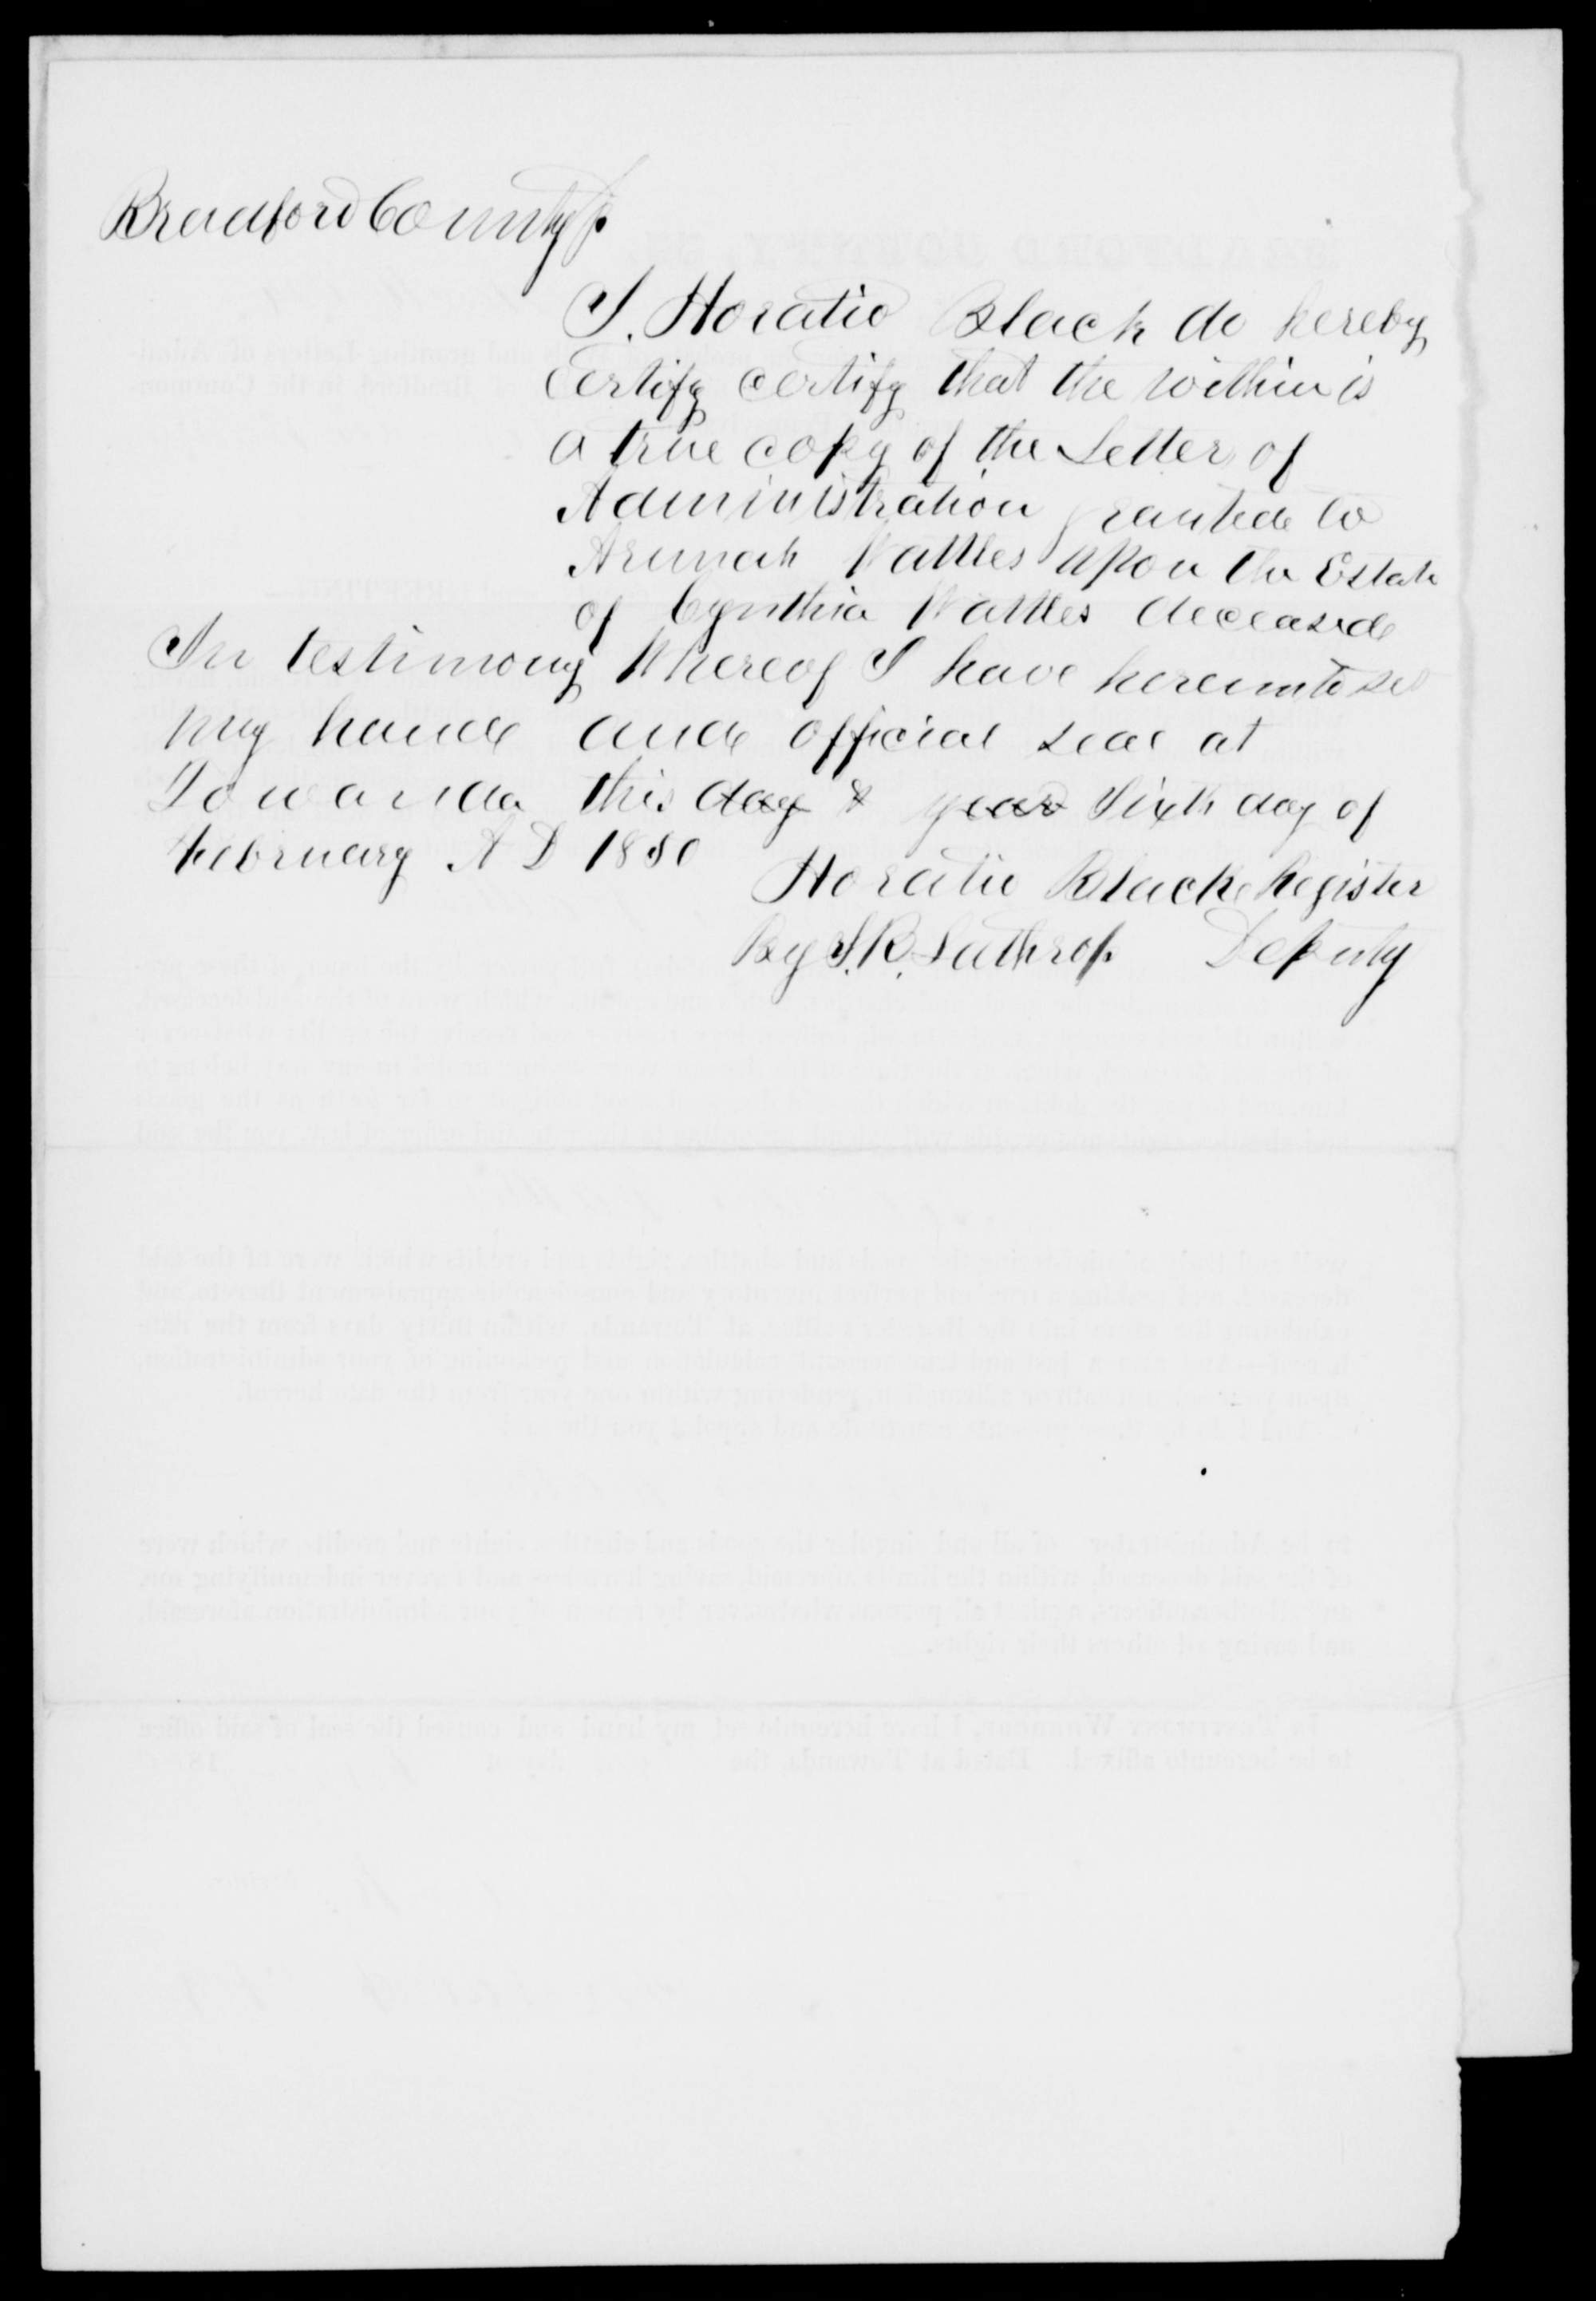Bradford County ss.

I, Horatio Black , do hereby 
Certify that the within is 
a true copy of the Letter of 
Administration [         ] to 
Arunah Wattles upon the estate of 
of Cynthia Wattles deceased.

In testimony whereof I have hereunto set
my hand and official seal at 
Towanda this sixth day of
February A. D. 1850.
Horatio Black  Register
By S. B. Lathrop   Deputy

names: S B Lathrop, Horatio Black, Cynthia Wattles, Arunah Wattles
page: 58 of 70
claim: widow's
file: W. 3743, Dan Wattles, Conn.